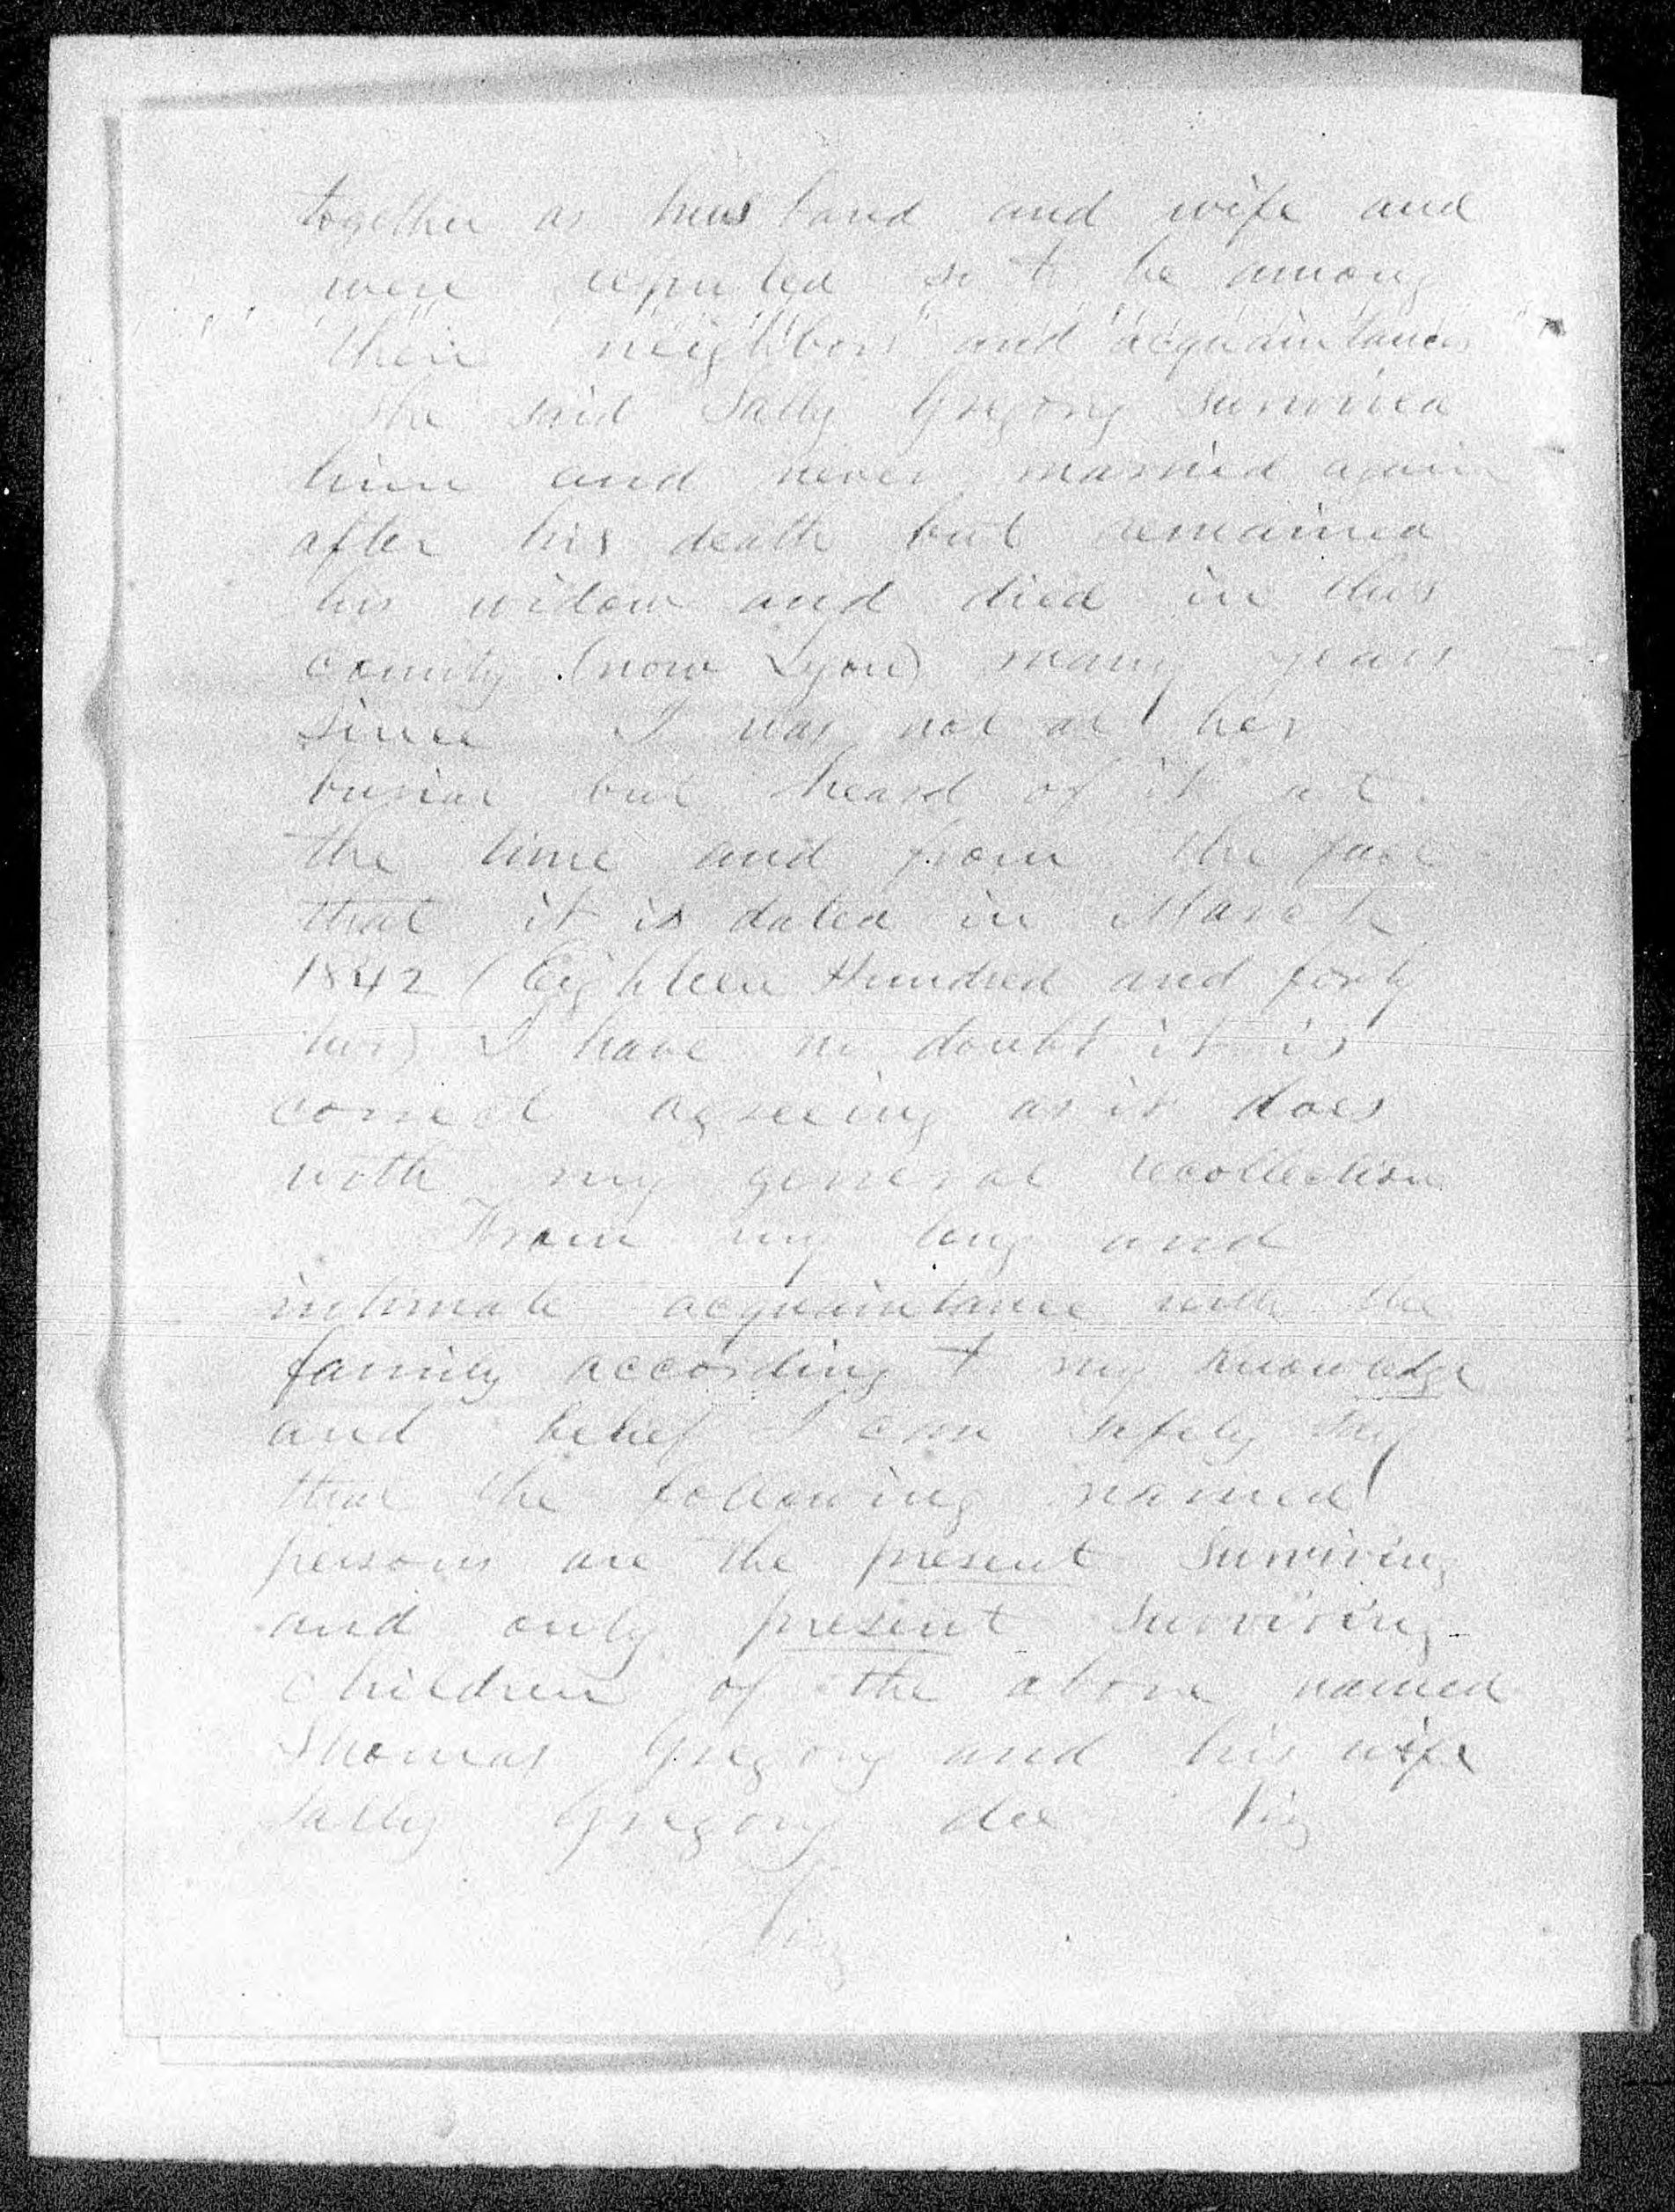together as husband and wife and were reputed so to be among their neighbors and acquaintances.
The said Sally Gregory survived him and never married again after his death but remained his widow and died in the county (now Lyon) many years since.  I was not at her burial but heard of it at the time and from the fact that it is dated in March 1842 (Eighteen Hundred and forty two) I have no doubt it is correct agreeing as it does with my general recollection.
From my long and intimate acquaintance with the family according to my knowledge and belief I can safely say that the following named persons are the present surviving and only present surviving children of the above named Thomas Gregory and his wife Sally Gregory dec. Viz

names: Thomas Gregory, Sally Gregory, Sally Gregory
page: 66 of 75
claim: widow's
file: W. 8876, Thomas Gregory, Continental Va